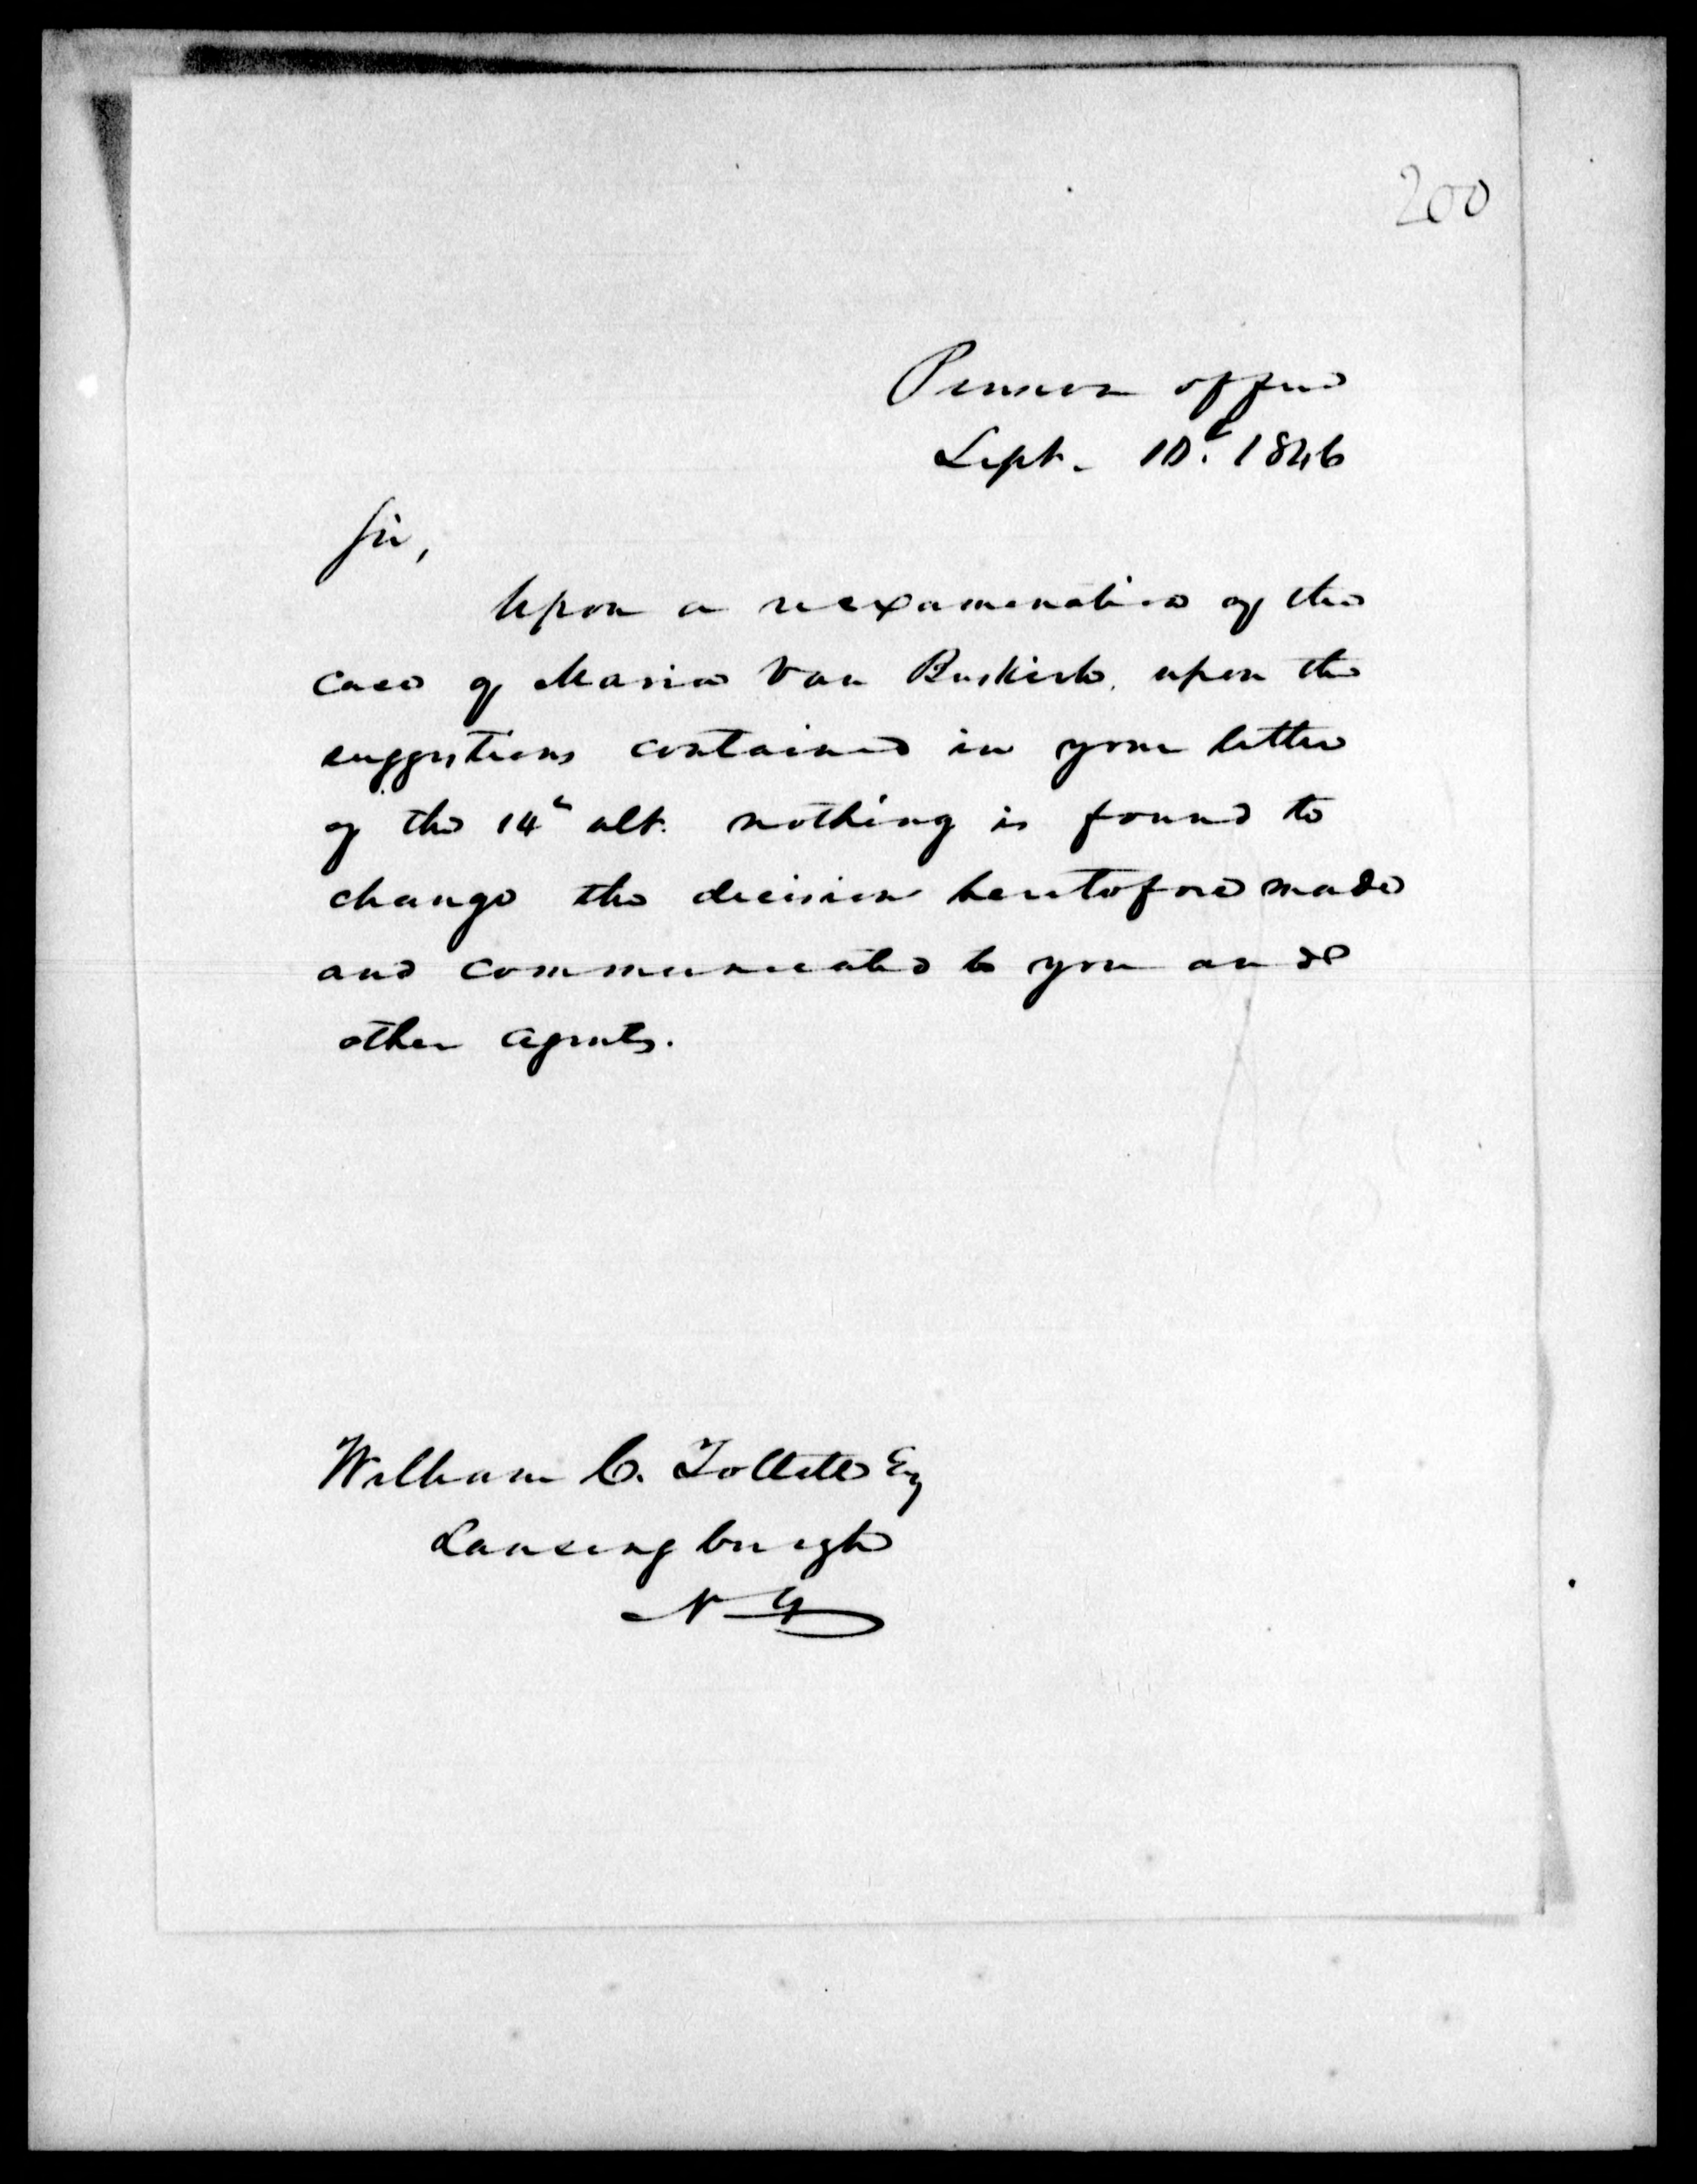Pension office
Sept 10th 1846

Sir,
Upon a reexamination of the case of Maria Van Buskirk upon the suggestions contained in your letter of the 14th ult nothing is found to change the decision heretofore made and communicated to you and other agents.

William C. Follett Esq
Lansingburgh
N Y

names: William C Tollett, Maria Van Buskirk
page: 43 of 70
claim: rejected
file: R. 10,832, Martin Van Buskirk, New York.